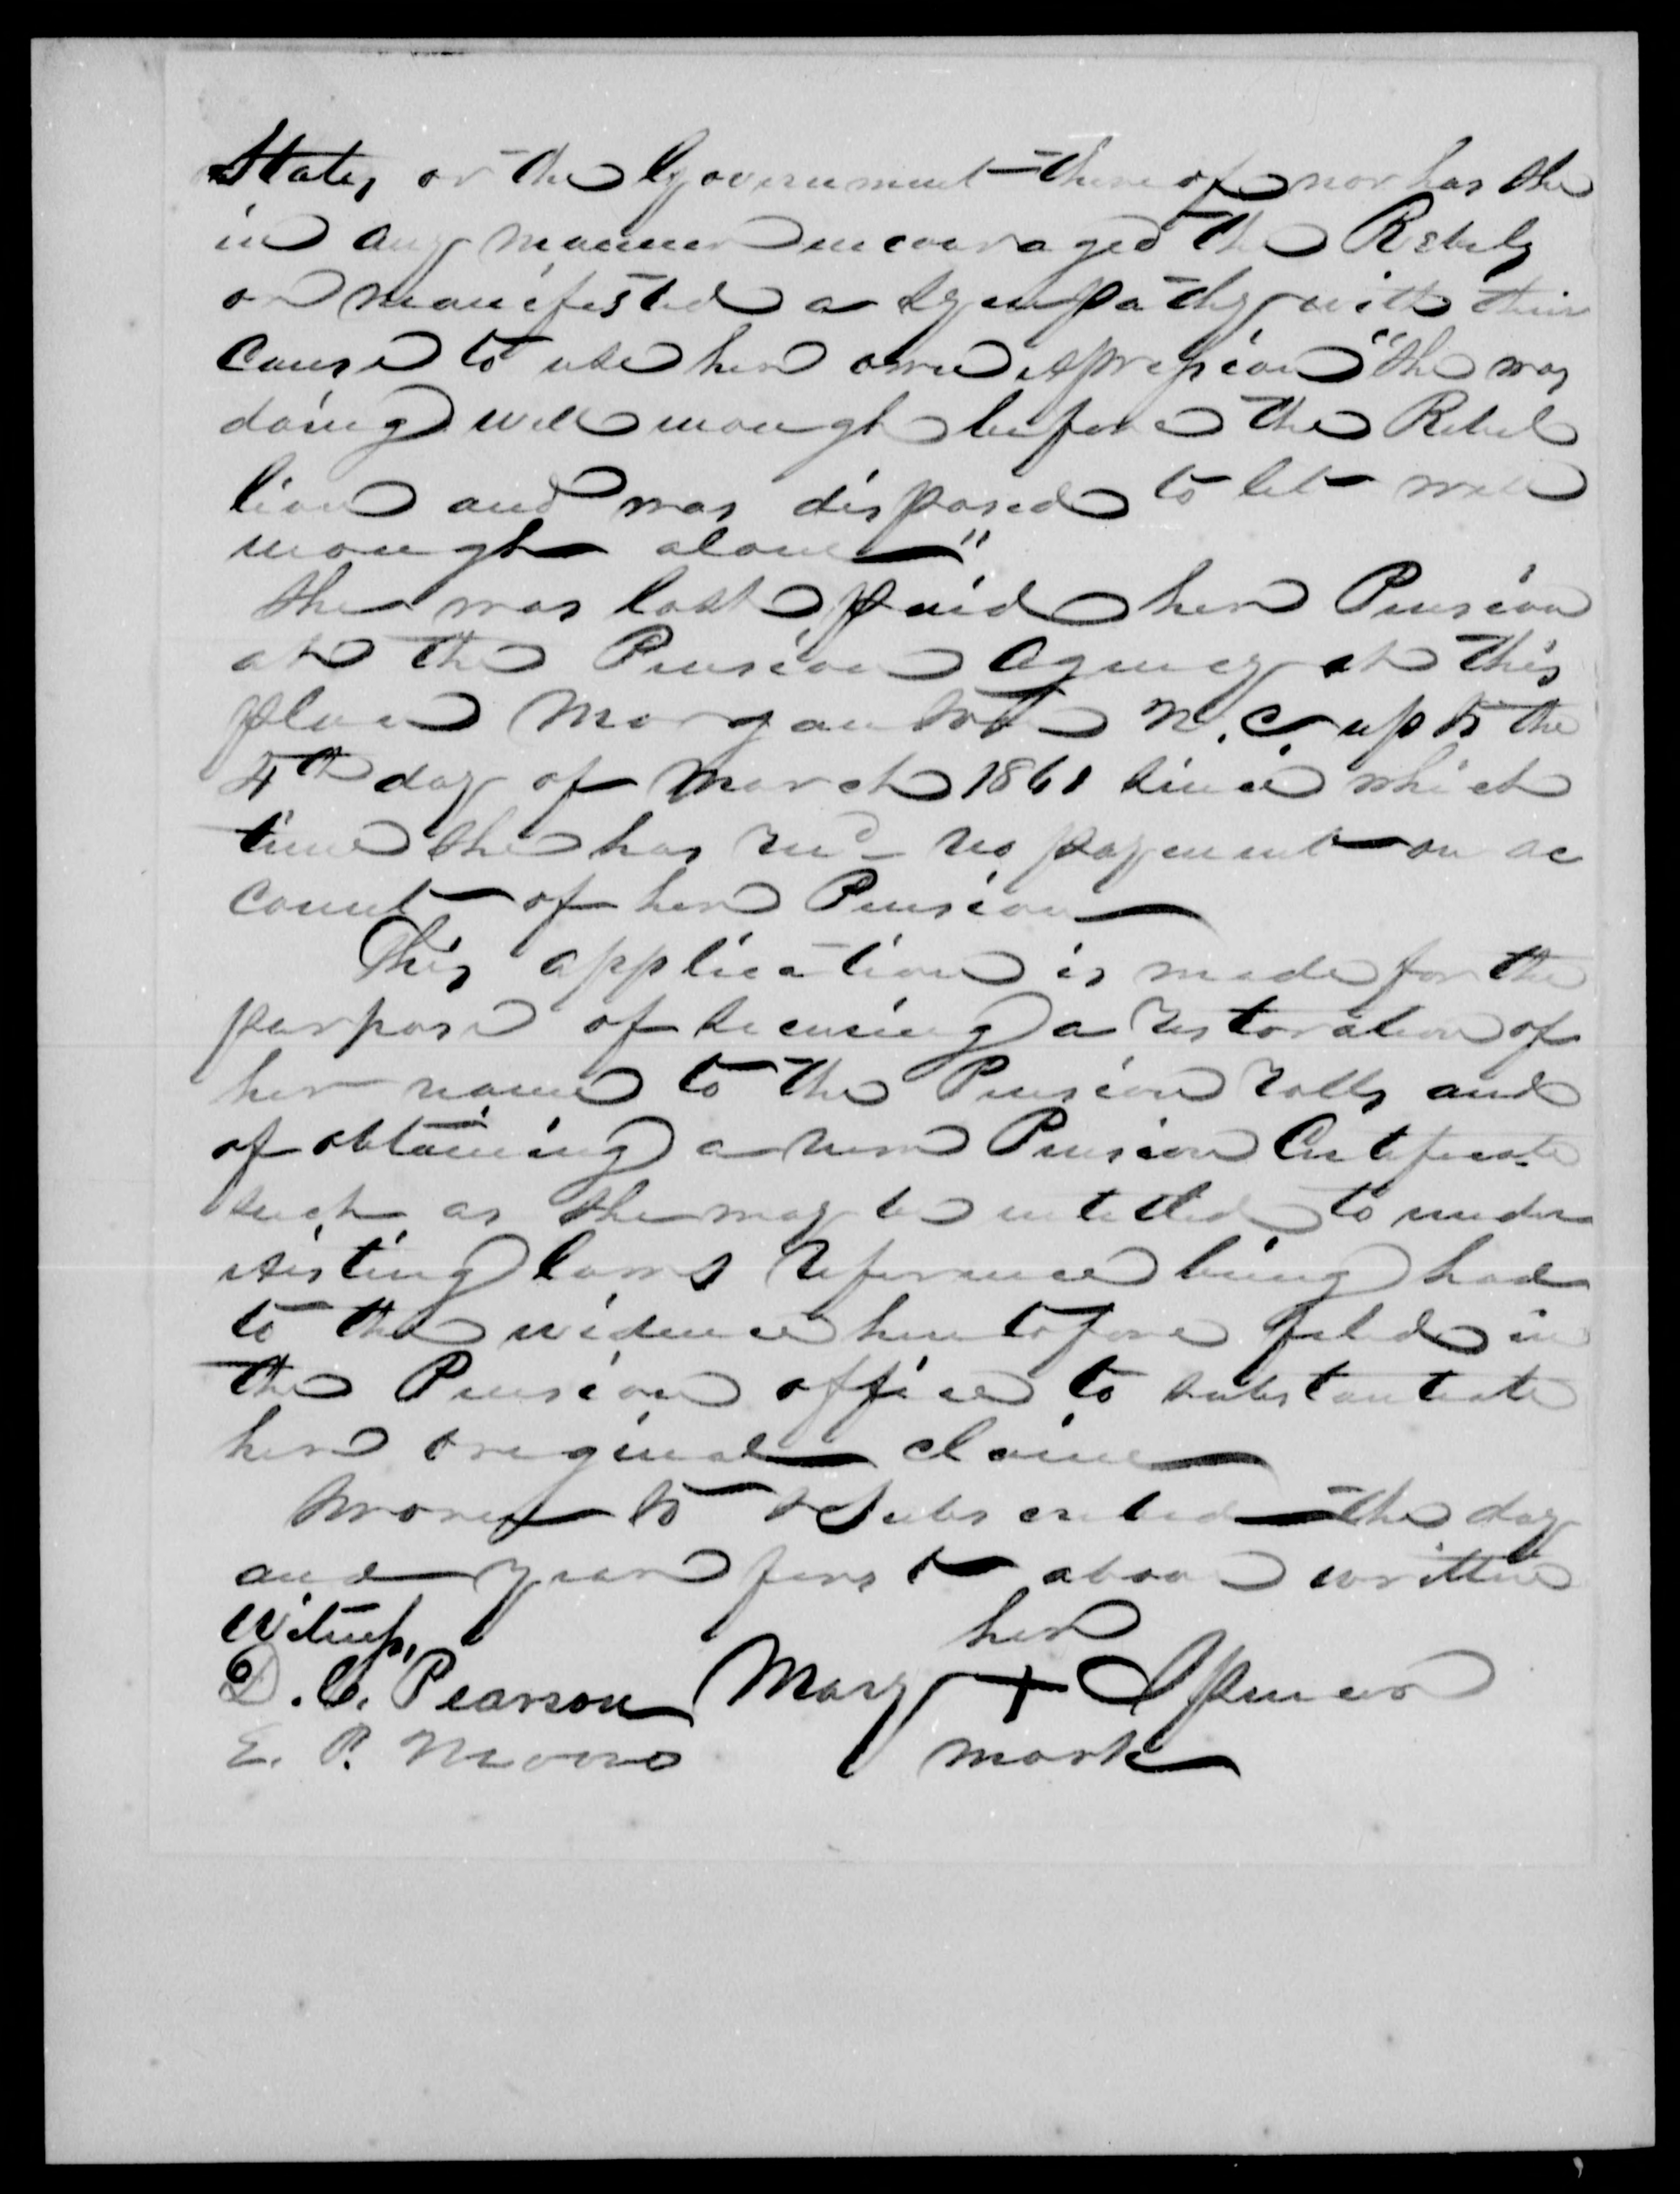States or the Government thereof nor has she
in any manner encouraged the Rebels or manifested
a sympathy with their
cause to use her own expression "she was
doing well enough before the Rebel
[illegible] and was disposed to let well
enough alone"
she was last paid her Pension
at the Pension Agency at this
place Morgantown N.C. up to the
4th day of March 1861 since which
time she has rec'd. no payment on account of her pension
this application is made for the
purpose of securing a restoration of
her name to the Pension Rolls and
of obtaining a Pension Certificate
such as she may be entitled to under
existing laws reference being had
to the widowhood heretofore filed in
the Pension office to substantiate
her original claim
Sworn to & Subscribed the day
and year first above written
Witness
her
D.C. Pearson
E. P. Moore
Mary Spencer
her mark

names: E P Moore; D C Pearson; [BLANK] Morgan; Mary Spencer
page: 51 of 63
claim: widow's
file: W. 6158, for Benjamin Spencer, North Carolina